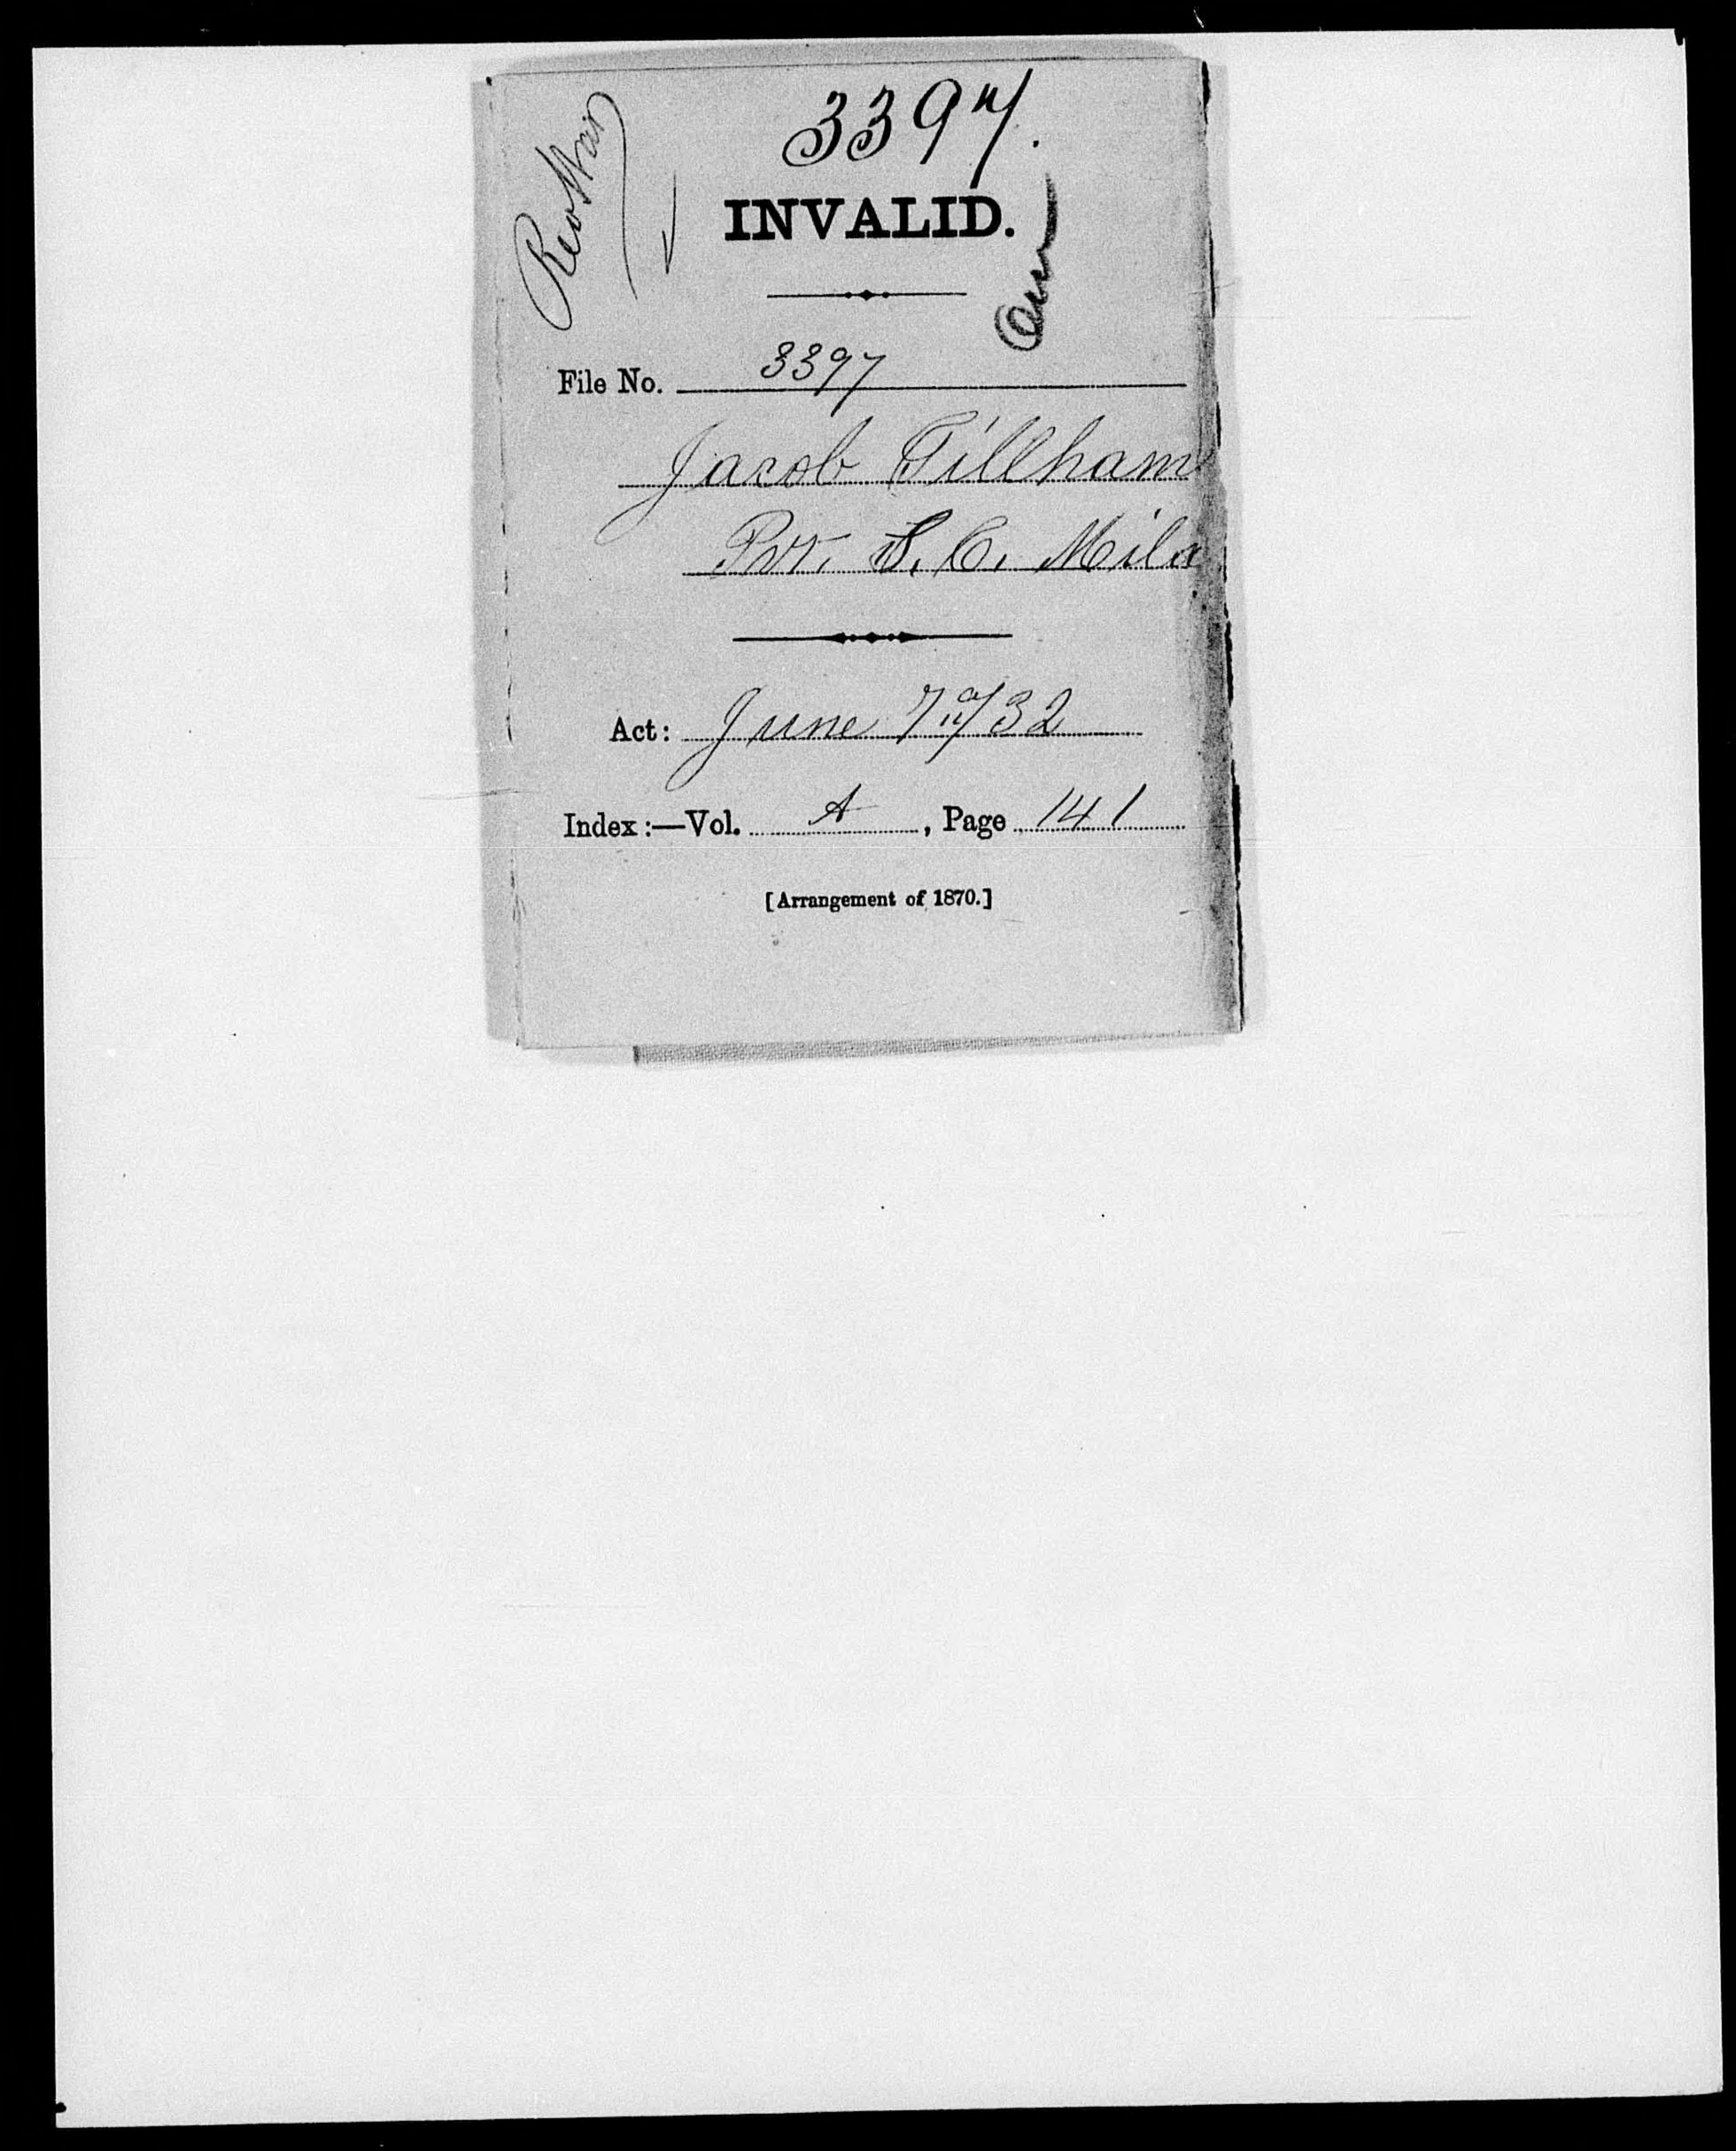3397
Rev War
INVALID
File No 3397
Jacob Gillham
Pvt SC Mila
Act June 7 of 32
Index Vol A Page 141
[Arrangement of 1870]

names: Jacob Gillham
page: 11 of 17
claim: survivor's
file: S 3397, Jacob Gillham, S.C.